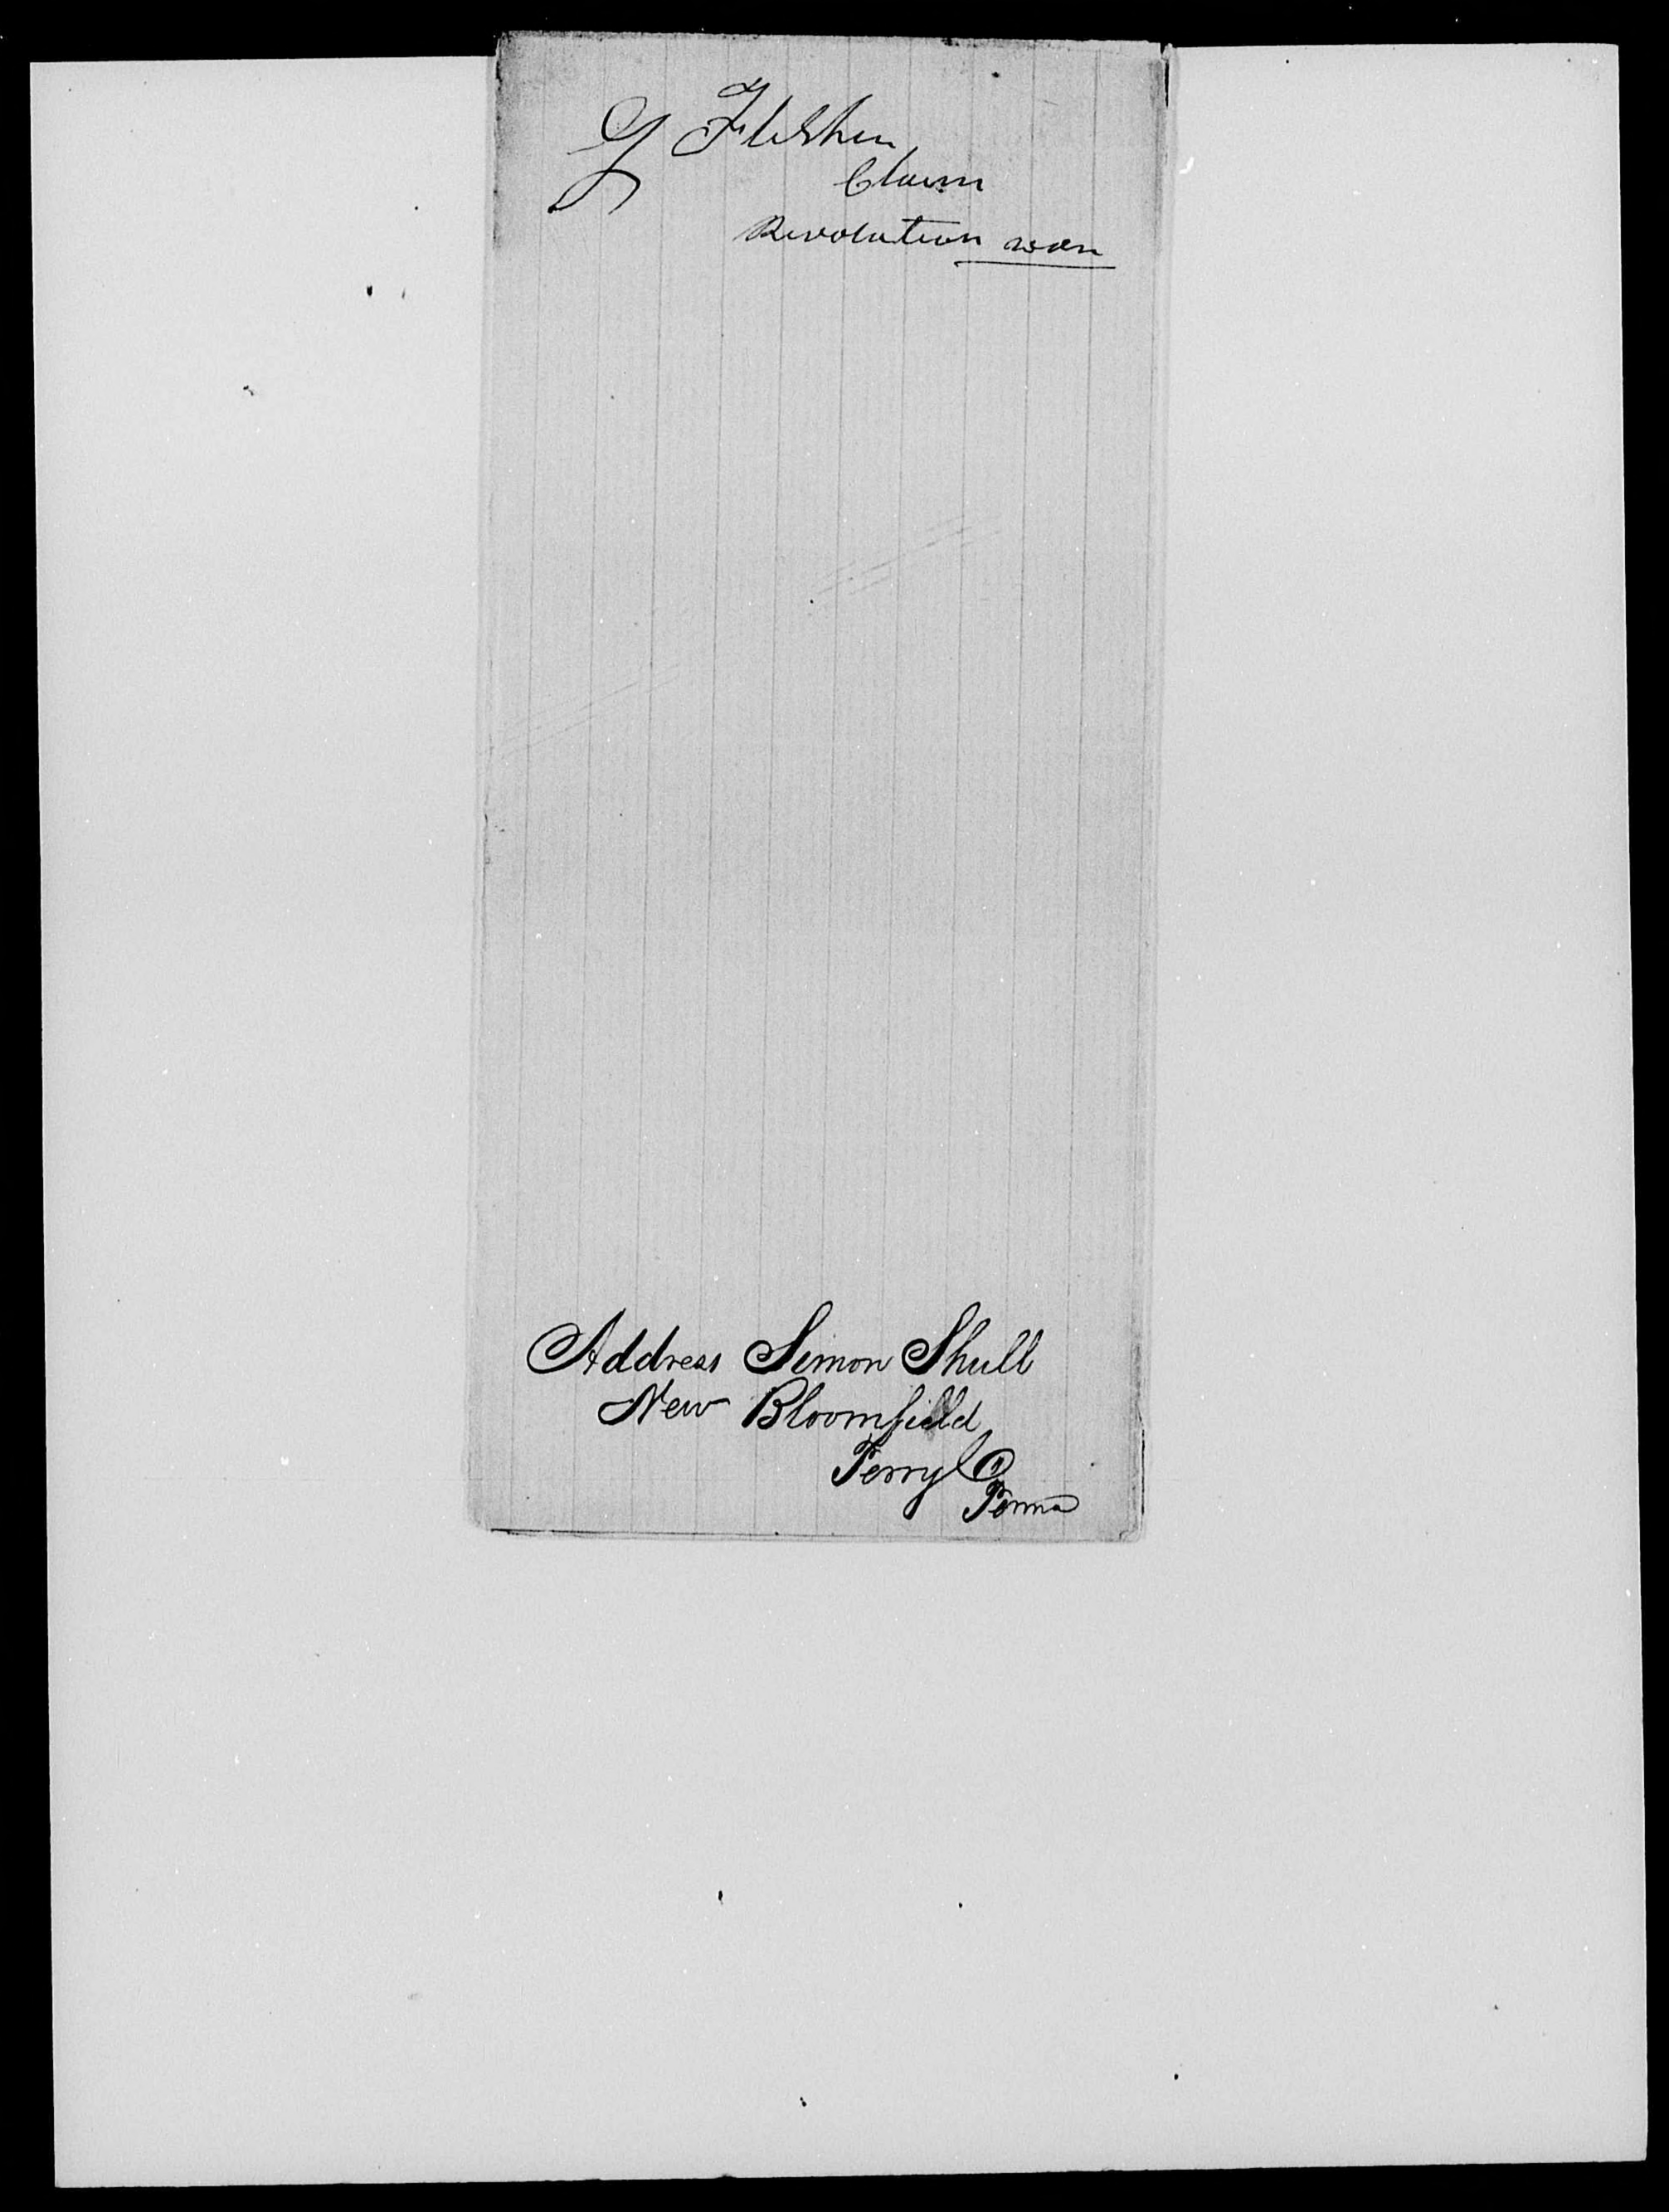G. Flesher
Claim
Revolutionary War


Address Simon Shull
New Bloomfield
Perry Co.
Penna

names: Simon Shull, G Flisher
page: 5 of 7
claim: rejected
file: R. 3,567, Flisher George, Penn.